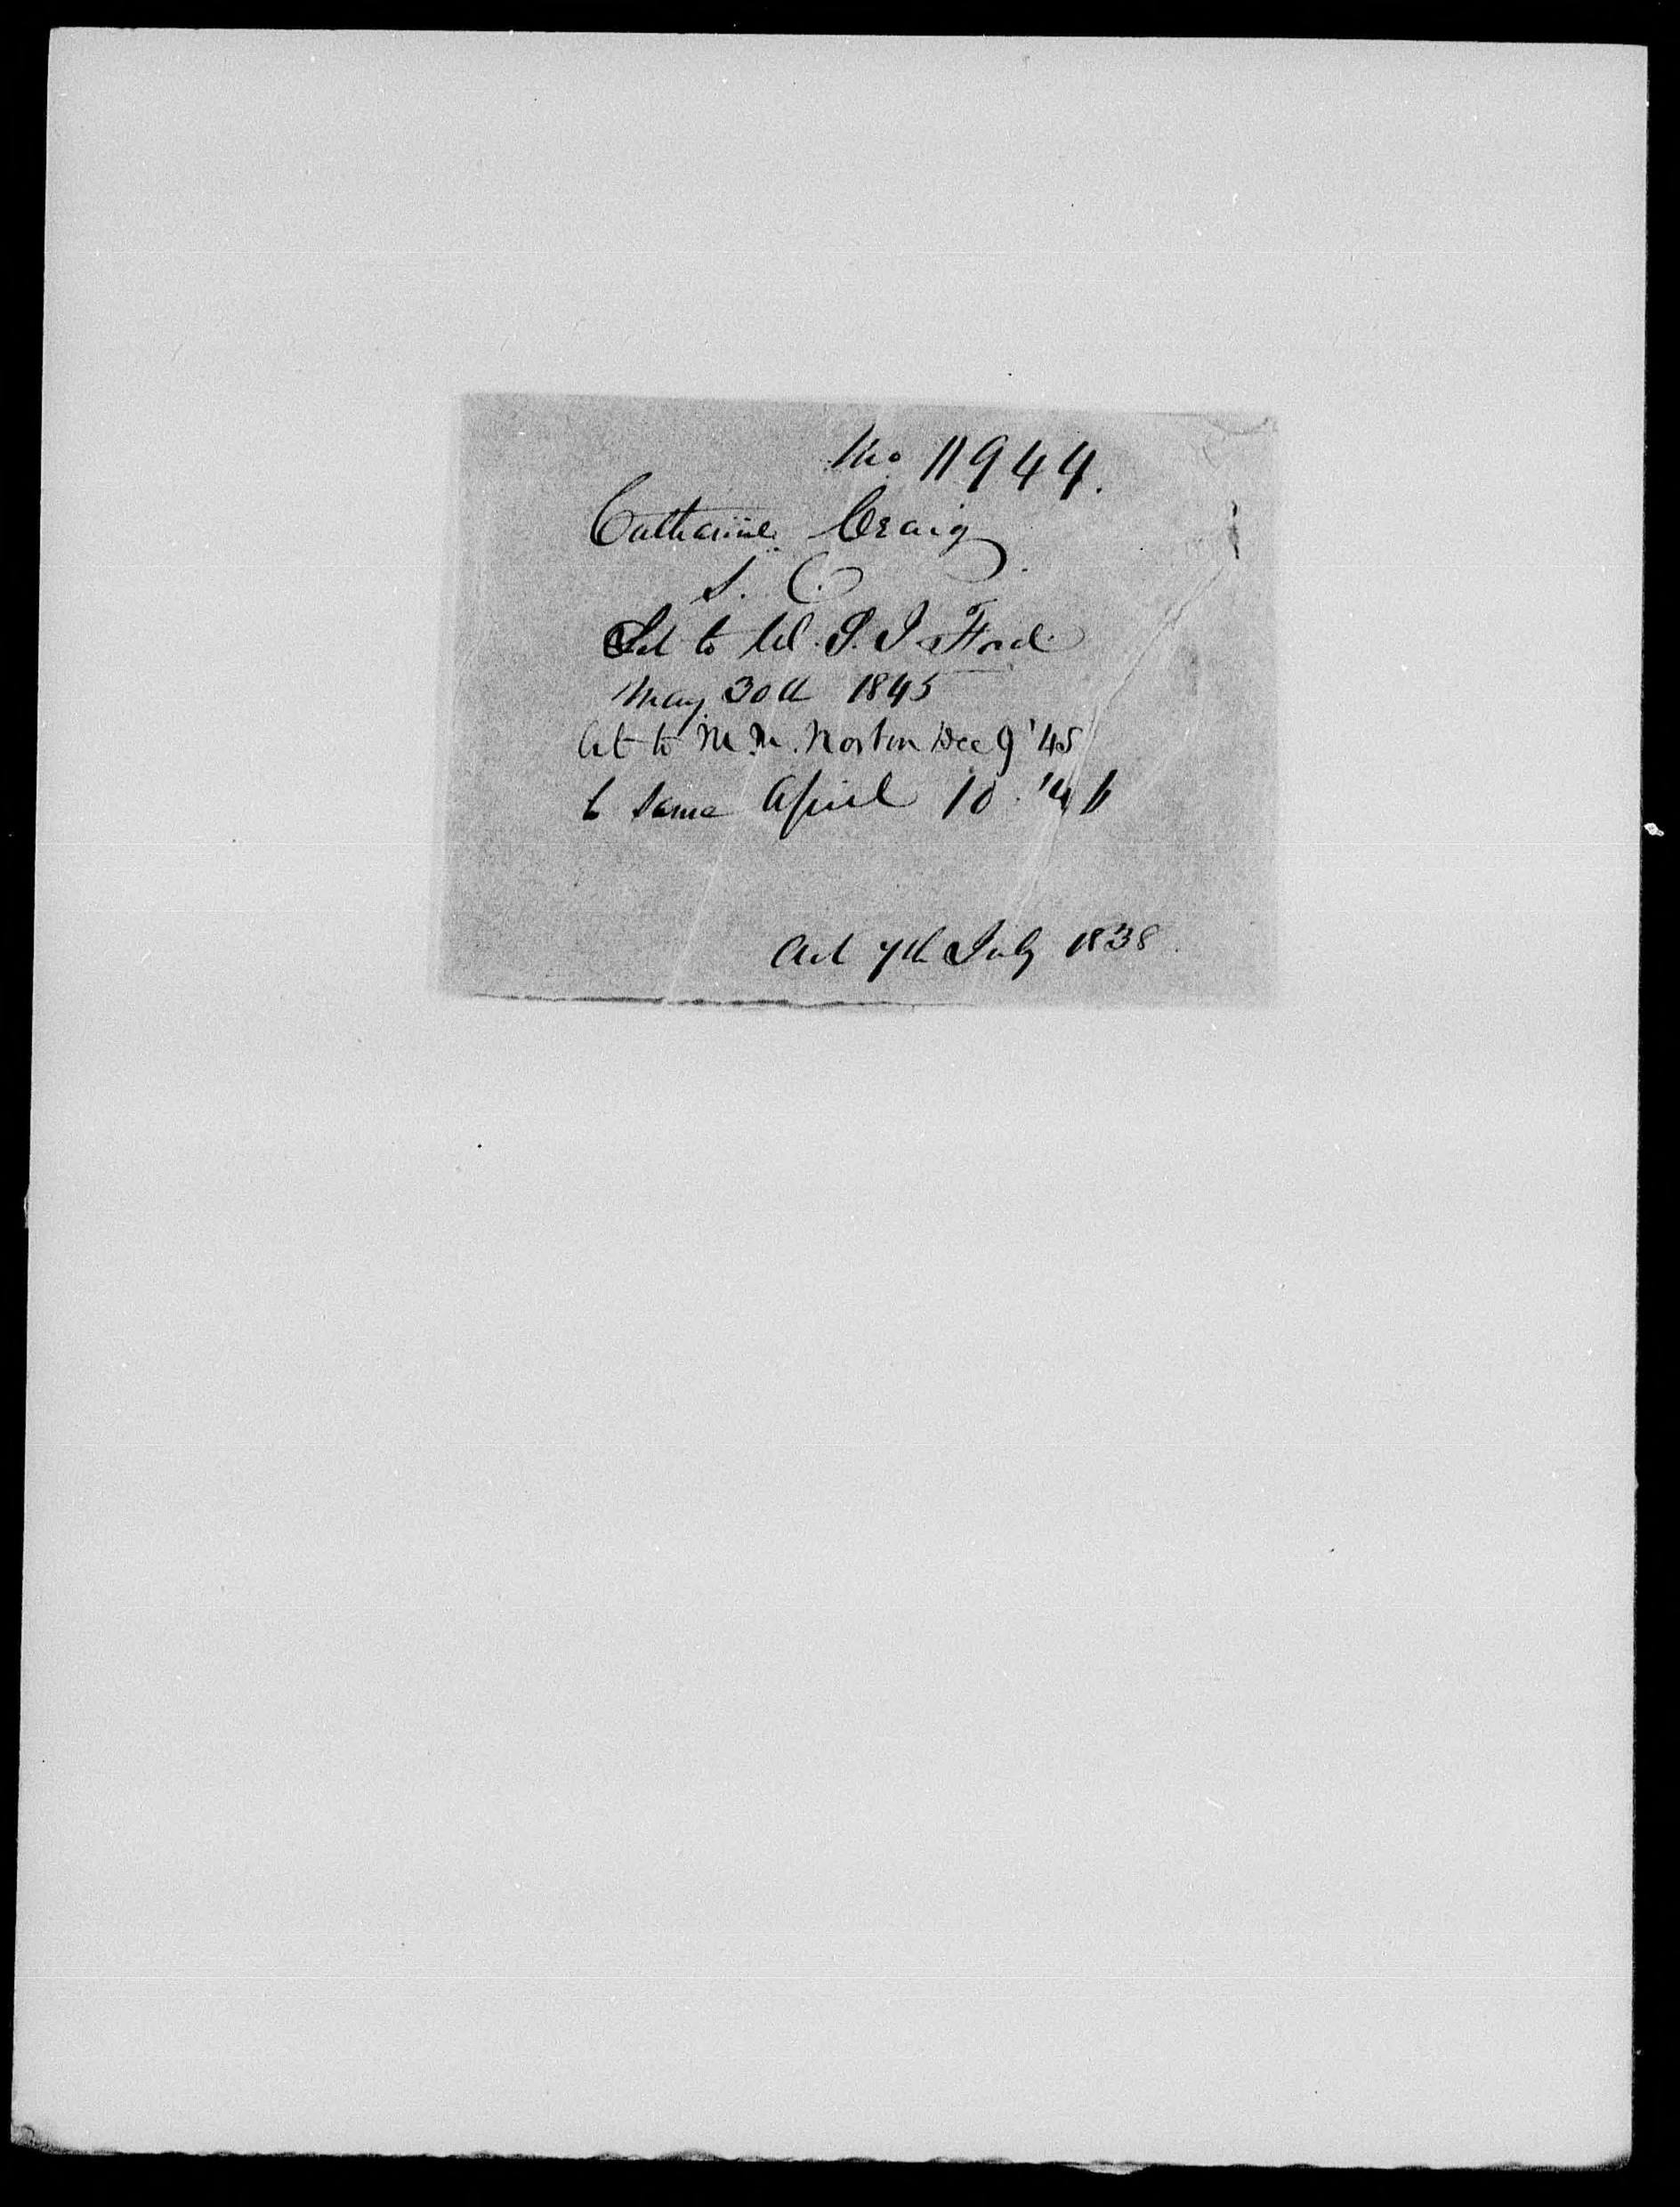Jno.  11944

Catharine Craig

S.C.

Let to W. S. J. Ford
May 30th 1845

Let to M M Norton Dec 9 '45

Act 7th July 

to same April 10'46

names: M M Norton, Catharine Craig, W S J Ford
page: 46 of 55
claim: widow's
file: W. 22864, John Craig, S.C. Born In Iceland